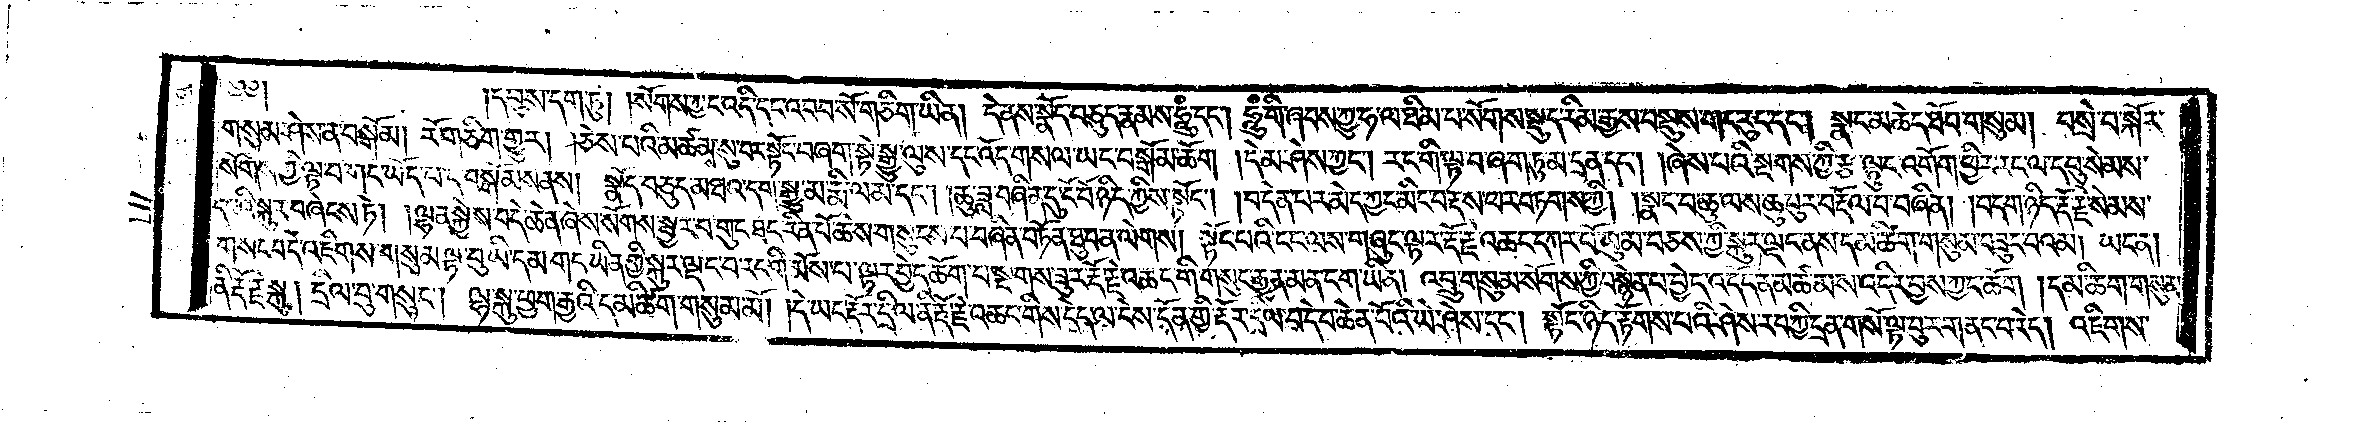༄༅། །དབུས་དག་ཏུ། །སོགས་ཀྱང་འདི་དང་འབབ་སོ་གཅིག་ཡིན། དེ་ནས་སྣོད་བཅུད་རྣམས་ཧཱུཾ་དང་། ཧཱུཾ་གི་ཞབས་ཀྱུ་ཧ་ལ་ཐིམ་པ་སོགས་སྡུད་རིམ་རྒྱས་བསྡུས་གང་རུང་དང་། སྣང་མཆེད་ཐོབ་གསུམ། བསྲེ་བ་སྐོར་
གསུམ་ཤེས་ན་བསྒོམ། རོ་གཅིག་གྱུར། །ཅེས་པའི་མཚམས་སུ་བར་སྟོང་བཞག་སྟེ་སྒྱུ་ལུས་དང་འོད་གསལ་ཡང་བསྒོམ་ཆོག །དེ་མ་ཤེས་ཀྱང་། རང་གི་ལྟ་བ་ཞག་ཏུ་མ་དྲན་དང་། །ཞེས་པའི་སྔགས་ཀྱི་རྩ་ལྟུང་འགོག་ཕྱིར་རང་ལ་དབུ་སེམས་
སོགས་ཀྱི་ལྟ་བ་གང་ཡོད་བ་དེ་བསྒོམས་ནས། སྣོད་བཅུད་མཐའ་དག་སྒྱུ་མ་རྨི་ལམ་དང་། །ཆུ་ཟླ་བཞིན་དུ་ངོ་བོ་ཉིད་ཀྱིས་སྟོང་། །བདེན་པར་མེད་ཀྱང་མིང་བརྡས་ཕར་བཏགས་ཀྱི། །སྣང་བ་ཆུ་ལས་ཆུ་བུར་བརྡོལ་བ་བཞིན། །བདག་ཉིད་རྡོ་རྗེ་སེམས་
དཔའི་སྐུར་བཞེངས་ཏེ། །ལྷན་སྐྱེས་བདེ་ཆེན་ཞེས་སོགས་སྦྱར་བ་གུང་ཐང་རིན་པོ་ཆེས་གསུངས་པ་བཞིན་བཏོན་ཐུབ་ན་ལེགས། སྟོང་པའི་ངང་ལས་གཞུང་ལྟར་རྡོ་རྗེ་འཆང་དཀར་པོ་ཡུམ་བཅས་ཀྱི་སྐུར་ལྡང་ནས་དམ་ཚིག་གསུམ་བཟུང་བའམ། ཡང་ན།
གསང་བདེ་འཇིགས་གསུམ་ལྟ་བུ་ཡི་དམ་གང་ཡིན་གྱི་སྐུར་ལྡང་བ་རང་གི་མོས་པ་ལྟར་བྱེད་ཆོག་པ་སྔགས་ཟུར་རྡོ་རྗེ་འཆང་གི་གསུང་རྒྱུན་མན་ངག་ཡིན། འབྲུ་གསུམ་སོགས་ཀྱི་བསྙེན་པ་བྱེད་འདོད་ན་མཚམས་འདིར་བྱས་ཀྱང་ཆོག །དམ་ཚིག་གསུམ་
ནི་རྡོ་རྗེ་སྐུ། དྲི་ལ་བུ་གསུང་། ལྷ་སྐུ་ཕྱག་རྒྱའི་དམ་ཚིག་གསུམ་མོ། །དེ་ཡང་རྡོར་དྲིལ་ནི་རྡོ་རྗེ་འཆང་གིས་ངེད་ལ་ངེས་དོན་གྱི་རྡོར་དྲིལ་བདེ་བ་ཆེན་པོའི་ཡེ་ཤེས་དང་། སྟོང་ཉིད་རྟོགས་པའི་ཤེས་རབ་ཀྱི་དྲན་གསོ་ལྟ་བུར་གནང་བ་རེད། འཇིགས་